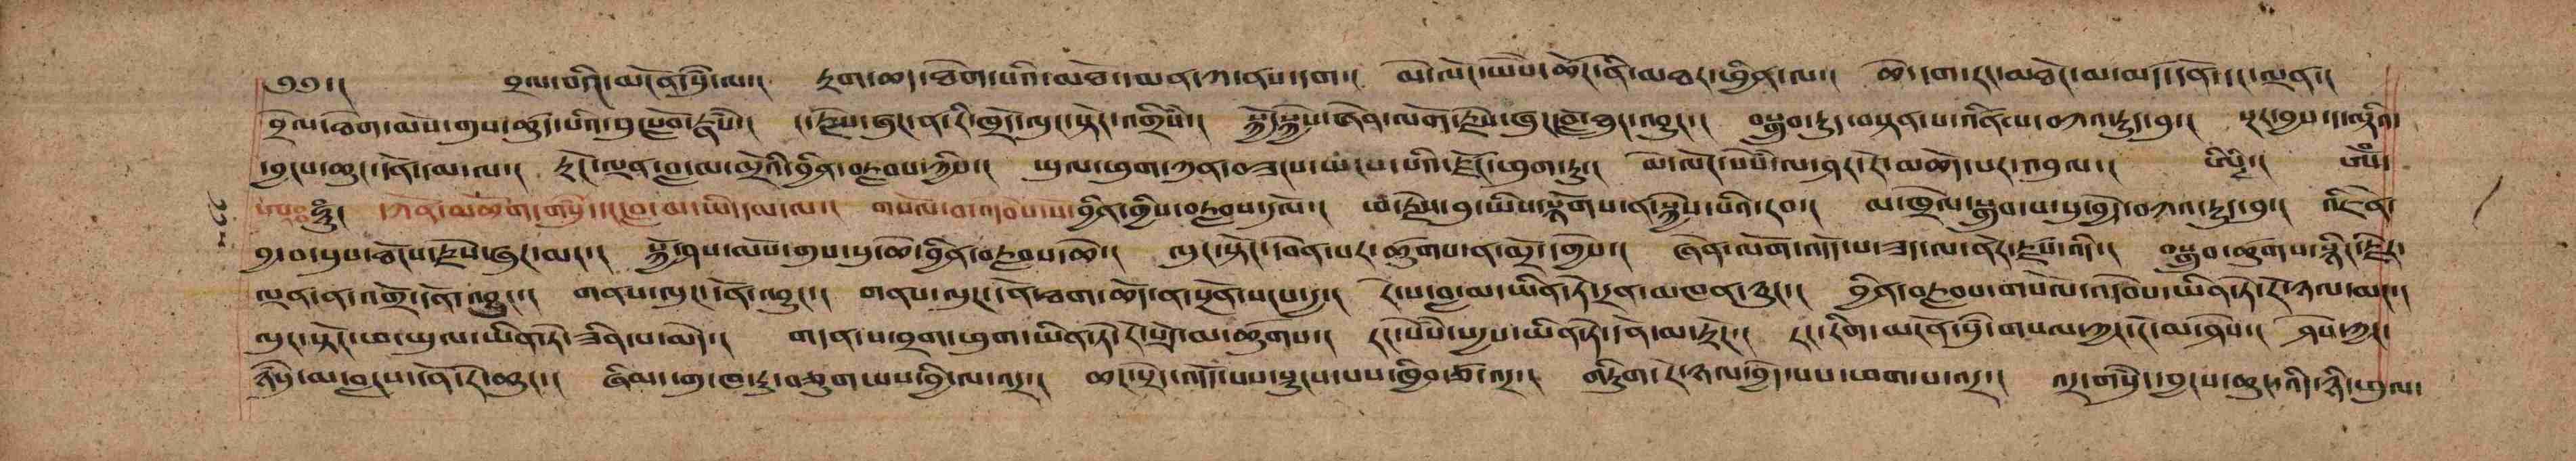༄༅།། བྲལ་བའི་མངོན་སུམ་ལ།། རྟག་ཆད་ཐེག་པའི་མཐོ་དམན་ཀ་ནས་དག། མེ་ལོང་ཡེ་ཤེས་ཚོགས་ནི་མཐར་ཕྱིན་ལ།། ཆེ་དག་རང་མཐོང་མ་མཛད་དོན་དང་ལྡན།། 
འབྲེལ་ཐོག་མོས་གུས་ཚུད་པའི་བུ་སློབ་རྣམས།། ང་རྗེས་ཞུགས་ན་རི་ཁྲོད་ལུང་སྟོང་འགྲིམས།། སྐྱོ་སྐྱེས་ཞེན་ལོག་རྗེས་ཞུགས་བློ་ཐུང་འབྱུང་།། བསྒྲུབ་རྒྱུད་བསྟན་པ་འཛིན་པ་བཀའ་རྒྱུད་བུ།། སྔར་བྱས་ད་ལྟའི་
དབྱངས་ཆུང་དོན་དམ་ལ།། རྟོགས་ལྡན་བླ་མ་མཁའ་འགྲོའི་བྱིན་རླབས་ཀྱིས།། ཡུལ་ཕུག་ཀུན་བཟང་ཡངས་པའི་རྫོང་ཕུག་ཏུ།། མེ་ལོང་སེམས་ལ་ཤར་རོ་མཆོད་པར་འབུལ།། ཨིཊི།། ཨོཾ་
ཨཱཿཧཱུཾ། དཀོན་མཆོག་གསུམ་དང་བླ་ཡི་དམ་ལ།། གསོལ་བ་འདེབས་སོ་བྱིན་གྱིས་བརླབ་ཏུ་གསོལ།། ཕ་རྗེས་བུ་ཡིས་སྙོགས་ན་སྐྱེས་པའི་རབ།། མ་ཁྲེལ་སྒྲུབ་པ་སུ་བྱེད་བཀའ་རྒྱུད་བུ།། འཇིག་རྟེན་
བྱ་བ་སུས་ཐོངས་རྗེས་ཞུགས་མང་།། སྐྱོ་ཤས་མོས་གུས་སུ་ཆེ་བྱིན་རླབས་ཆེ།། ལུང་སྟོང་དབེན་པར་ཚུགས་ན་མཁའ་འགྲོ་དགྱེས།། ཞེན་ལོག་འདོད་པ་ཟད་ལ་ནོར་རྫས་འདི།། བསྒྲུབ་ཚུགས་སྙིང་རྗེར་
ལྡན་ན་འགྲོ་དོན་འབྱུང་།། ༼གནས་ལུགས་དོན་འབྱུང་།།༽ གནས་ལུགས་དོན་ཐག་ཆོད་ན་སྔོན་སངས་རྒྱ།། རེ་ས་བླ་མ་ཡིན་ཏེ་དྲན་མཁན་ཉུང་།། བྱིན་རླབས་གསོལ་འདེབས་ཡིན་ཏེ་རོ་ཉལ་
མང་།། ལུང་སྟོང་ཕ་ཡུལ་ཡིན་ཏེ་ཟིན་པ་མེད།། གདན་ས་བྲག་ཕུག་ཡིན་ཏེ་རོ་སྡོད་མ་ཚུགས།། རང་སེམས་སངས་རྒྱས་ཡིན་ཏེན་དོན་མ་རྟོགས།། རང་རིག་མངོན་སུམ་གསལ་ཀྱང་ངོ་མ་ཤེས།། ཤེས་ཀྱང་
ཉམས་སུ་མ་བླང་དོན་རེ་ཆུང་།། ཞིམ་དགུ་ཁ་རུ་བཅུག་པས་བྱི་ལ་འདྲ།། ཆགས་སྲེད་འདོད་པས་གདུངས་པས་ཁྱིམ་ཙ་འདྲ།། གཏི་མུག་རོ་ཉལ་བྱེད་པས་ཕག་པ་འདྲ།། འདྲ་གསུམ་དབྱངས་ཆུང་འདི་ཉིད་ཕུལ་